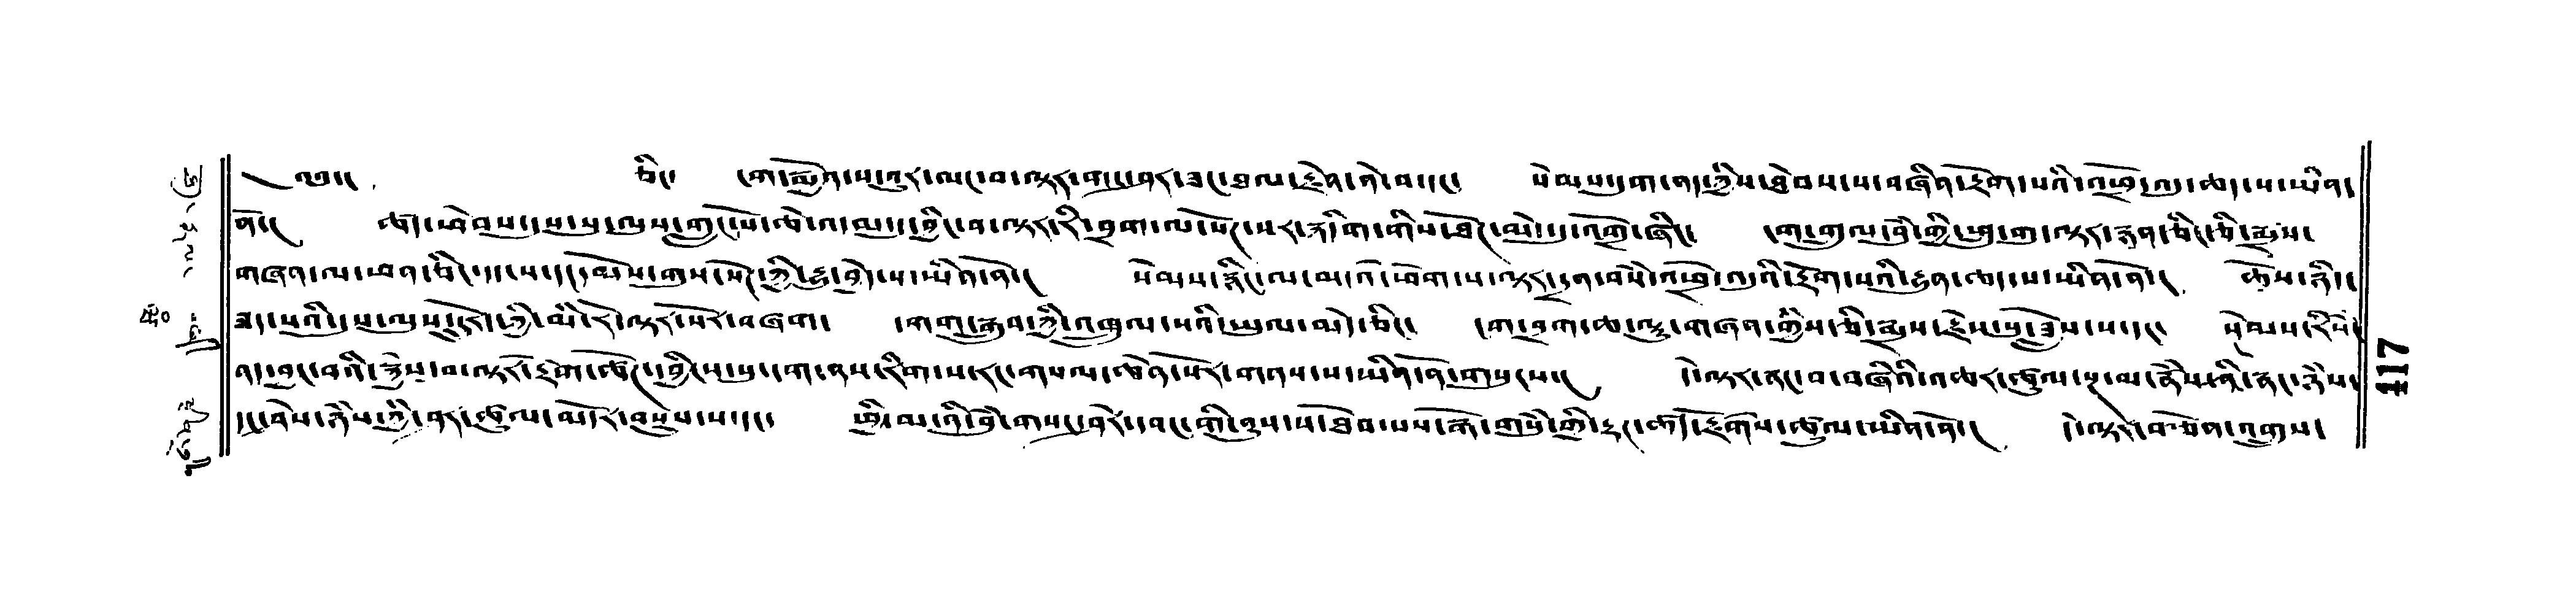ཅིང་། ངག་སྨྱོན་པ་འུར་ལང་བ་ལྟར་གང་ཤར་ཟང་ཐལ་རྗེན་ནེ་བ་དང་། སེམས་དུག་ནད་ཀྱིས་ཐེབས་པ་བཞིན་རྟོག་པའི་འཕྲོད་འདུ་ཆད་པ་ཡིན་
ནོ། ཚད་ཕེབས་དུས་སུ་ལུས་གླང་པོ་ཆེ་འདམ་དུ་བྱིང་བ་ལྟར་རི་བྲག་ལ་སོགས་པར་སྐད་ཅིག་གིས་ཐོགས་མེད་དུ་འགྲོ་ཞིང་། ངག་གྲུལ་བུམ་གྱི་ཕྲུ་གུ་ལྟར་སྙན་ཅིང་ཅི་སྨྲས་
གཞན་ལ་ཕན་ཅིང་དད་པ་དང་མོས་གུས་སོགས་ཀྱི་རྒྱུ་བྱེད་པ་ཡིན་ནོ། སེམས་སྙིང་ལ་མདའ་ཕོག་པ་ལྟར་དྲན་བསམ་འཕྲོ་འདུའི་རྟོག་པའི་རྒྱུན་ཆད་པ་ཡིན་ནོ། ཆོས་ཉིད་
ཟད་པའི་དུས་ལུས་དུར་དྲོད་ཀྱི་མི་རོ་ལྟར་པསར་བཞག་དགག་སྒྲུབ་ཀྱི་འཁྲུལ་པའི་ཡུལ་མེད་ཅིང་། ངག་བྲག་ཆ་ལྟ་བུ་གཞན་གྱིས་ཅི་སྨྲས་རྗེས་སུ་ཟློས་པ་དང་། སེམས་རིམས་
ནད་བྱང་བའི་སྐྱེས་བུ་ལྟར་རྟོག་ཚོགས་དབྱིངས་སུ་དག་ནས་རིག་པ་རང་གསལ་ཆེན་པོར་གནས་པ་ཡིན་ནོ་གསུངས། དེ་ལྟར་སྣང་བ་བཞིའི་འཆར་ཚུལ་སྔ་མ་རྣམས་ནི་སྣང་ཉམས་
དང་ཤེས་ཉམས་ཀྱི་ཤར་ཚུལ་མདོར་བསྡུས་པ་དང་། ཕྱི་མ་ནི་བུམ་གསང་ཤེར་དབང་གི་ནུས་པ་ཐོབ་པས་སྒོ་གསུམ་གྱི་རྟགས་ཚད་རྫོགས་ཚུལ་ཡིན་ནོ། དེ་ལྟར་བརྩོན་འགྲུས་